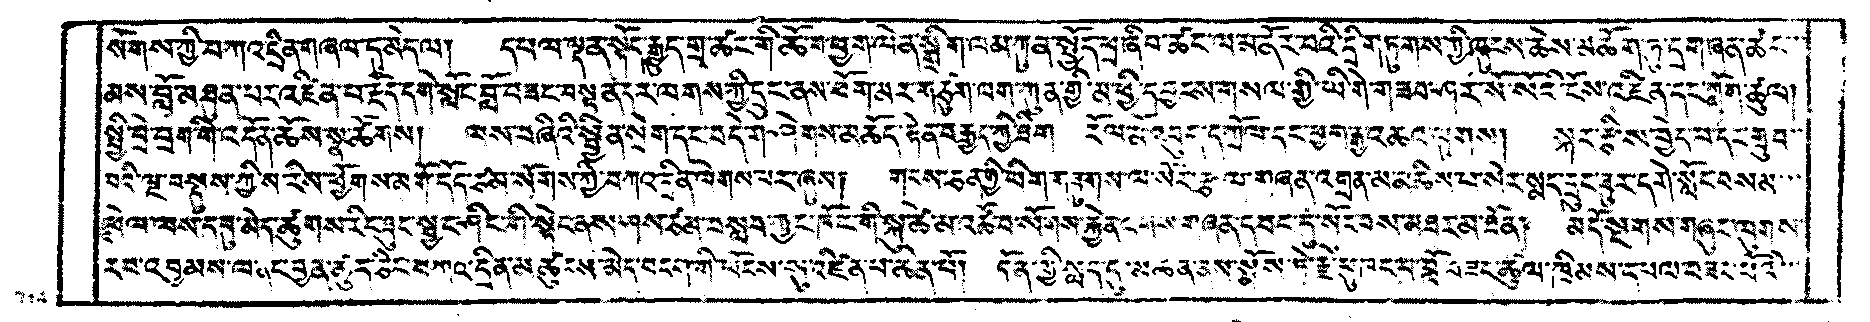སོགས་ཀྱི་བཀའ་དྲིན་གཞལ་དུ་མེད་ལ། དཔལ་ལྡན་སྟོད་རྒྱུད་གྲྭ་ཚང་གི་ཆོ་ག་ཕྱག་ལེན་སྒྲིག་ལམ་ཀུན་སྤྱོད་ཕྲ་ཞིབ་ཚང་ལ་མ་ནོར་བའི་དྲི་གཏུགས་ཀྱི་ཁུངས་ཆེས་མཆོག་ཏུ་དྲག་ཞན་ཚང་
མས་བློ་མཐུན་པར་འཛིན་པ་རྔོད་དགེ་སློང་བློ་བཟང་བསྟན་དར་ལགས་ཀྱི་དྲུང་ནས་ཐོག་མར་གཙུག་ལག་ཀུན་གྱི་མ་ཕྱི་དབྱངས་གསལ་གྱི་ཡི་གེ་གཟབ་ཤར་སོ་སོའི་ངོས་འཛིན་དང་ཀློག་ཚུལ།
སྤྱི་བྱེ་བྲག་གི་འདོན་ཆོས་སྣ་ཚོགས། ལས་བཞིའི་སྦྱིན་སྲེག་དང་བདེ་གཤེགས་མཆོད་རྟེན་བརྒྱད་ཀྱི་ཐིག་རོལ་མོ་འབུད་དཀྲོལ་དང་ཕྱག་རྒྱ་འཆའ་ལུགས། སྐར་རྩིས་བྱེད་པ་དང་གྲུབ་
པའི་ལྔ་བསྡུས་ཀྱི་ས་རིས་ཕྱོགས་མགོ་དོད་ཙམ་སོགས་ཀྱི་བཀའ་དྲིན་ལེགས་པར་ཞུས། གངས་ཅན་གྱི་ཡིག་གཟུགས་ལ་སོར་རྩ་ལ་གཞན་འགྲན་མ་མཆིས་པ་སེར་སྨད་དྲུང་ཟུར་དགེ་སློང་བསམ་
འཕེལ་ལས་དབུ་མེད་ཚུགས་རིང་ཐུང་སྦྱང་ཤིང་གི་སྟེང་ནས་ཤས་ཙམ་བསླབ་ཀྱང་ཁོང་གི་སྐུ་ཚེ་མ་འཚོ་བ་སོགས་རྐྱེན་འགས་གཞན་དབང་དུ་སོང་བས་མཐར་མ་ཐོན། མདོ་སྔགས་གཞུང་ལུགས་
རབ་འབྱམས་ལ་ནང་བྱན་ཚུད་ཅིང་བཀའ་དྲིན་མཚུངས་མེད་བདག་གི་ཡོངས་སུ་འཛིན་པ་ཆེན་པོ། དོན་གྱི་སླད་དུ་མཚན་ནས་སྨོས་ཏེ་རྗེ་ཕུ་ཁང་པ་བློ་བཟང་ཚུལ་ཁྲིམས་དཔལ་བཟང་པོའི་